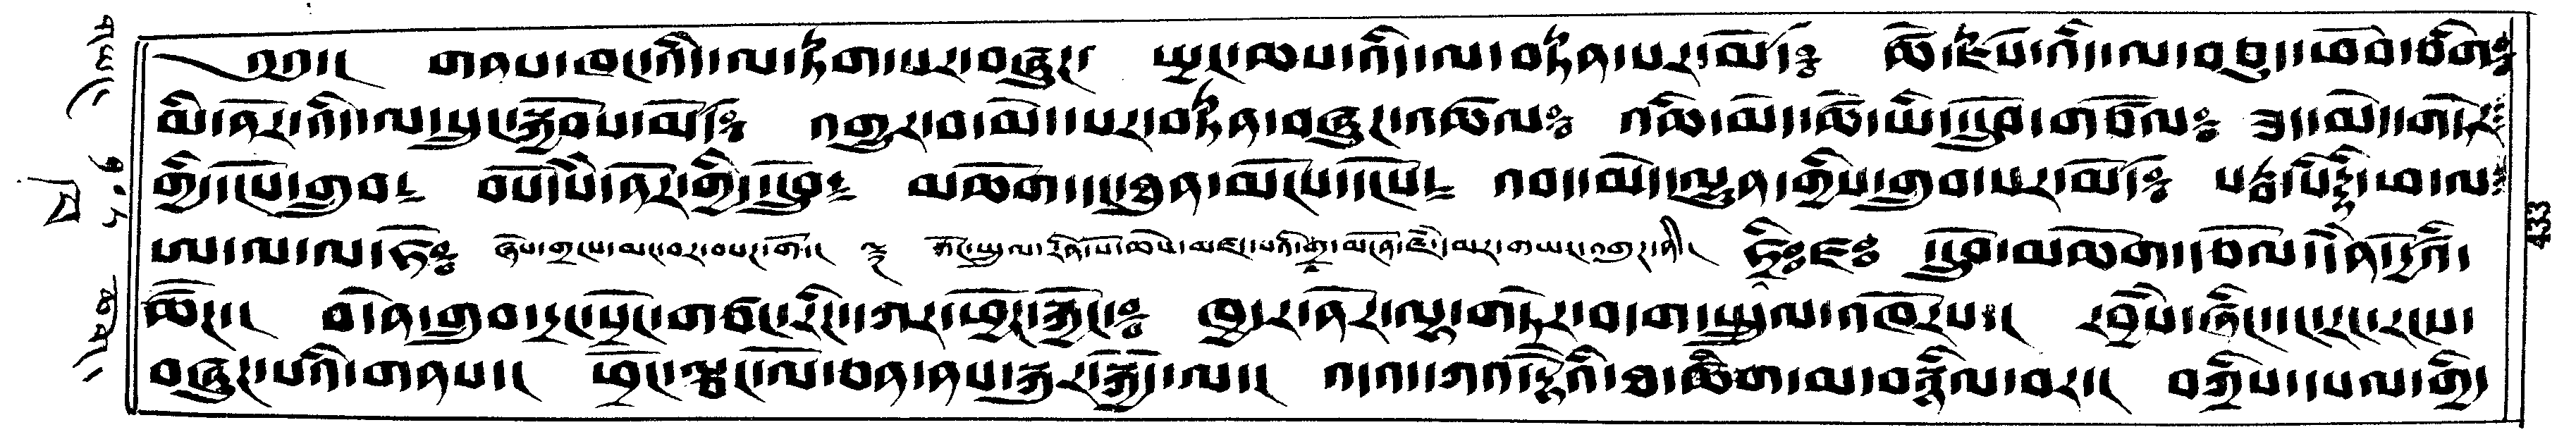གནས་ཁང་འདི་ལ་རྟག་པར་བཞུགས༔ གཡང་ཆས་འདི་ལ་བརྟན་པར་མཛོད༔ ཚེ་རྫས་འདི་ལ་བཅུད་ཕོབ་ཅིག༔ 
མི་ནོར་འདི་ལ་སྲུང་སྐྱོབས་མཛོད༔ འགྱུར་བ་མེད་པར་བརྟན་བཞུགས་འཚལ༔ འཆི་མེད་ཚེ་ཡི་དངོས་གྲུབ་སྩོལ༔ ཟད་མེད་གཏེར་
གྱི་དངོས་གྲུབ༴ བསོད་ནམས་ནོར་གྱི་དངོས་གྲུབ༔ མཆོག་དང་ཐུན་མོང་དངོས༴ འབད་མེད་ལྷུན་གྱིས་གྲུབ་པར་མཛོད༔ སརྦ་སིདྡྷི་ཕ་ལ་
ཨ་ལ་ལ་ཧོ༔ ཞེས་གྲངས་མང་བར་བསག་གོ། ༈ ཀོང་སྤྲུལ་རིན་པོ་ཆེས་མཛད་པའི་གྲྭ་མངོན་ཛམ་དམར་གཡང་འགུགས་ནི། ཧྲཱིཿཛཿ དངོས་གྲུབ་མཆོག་སྩོལ་དམ་ཅན་རྒྱ་མཚོའི་
ཚོགས། །བདེན་གྲུབ་དྲང་སྲོང་གཙང་རིགས་དཀར་ཕྱོགས་སྐྱོང་། ཁྱད་པར་ནོར་ལྷ་གཏེར་བདག་སྤྲུལ་འཁོར་བཅས། །རབ་འབྱམས་ཞིང་དང་རང་རང་
བཞུགས་པའི་གནས། །ཕོ་བྲང་ལྕང་ལོ་ཅན་ནས་སྐུར་སྐྱོད་ལ། །འདའ་དཀའ་རྡོ་རྗེའི་ཐ་ཚིག་མ་བསྙེལ་བར། །བཀྲ་ཤིས་དཔལ་གྱི་